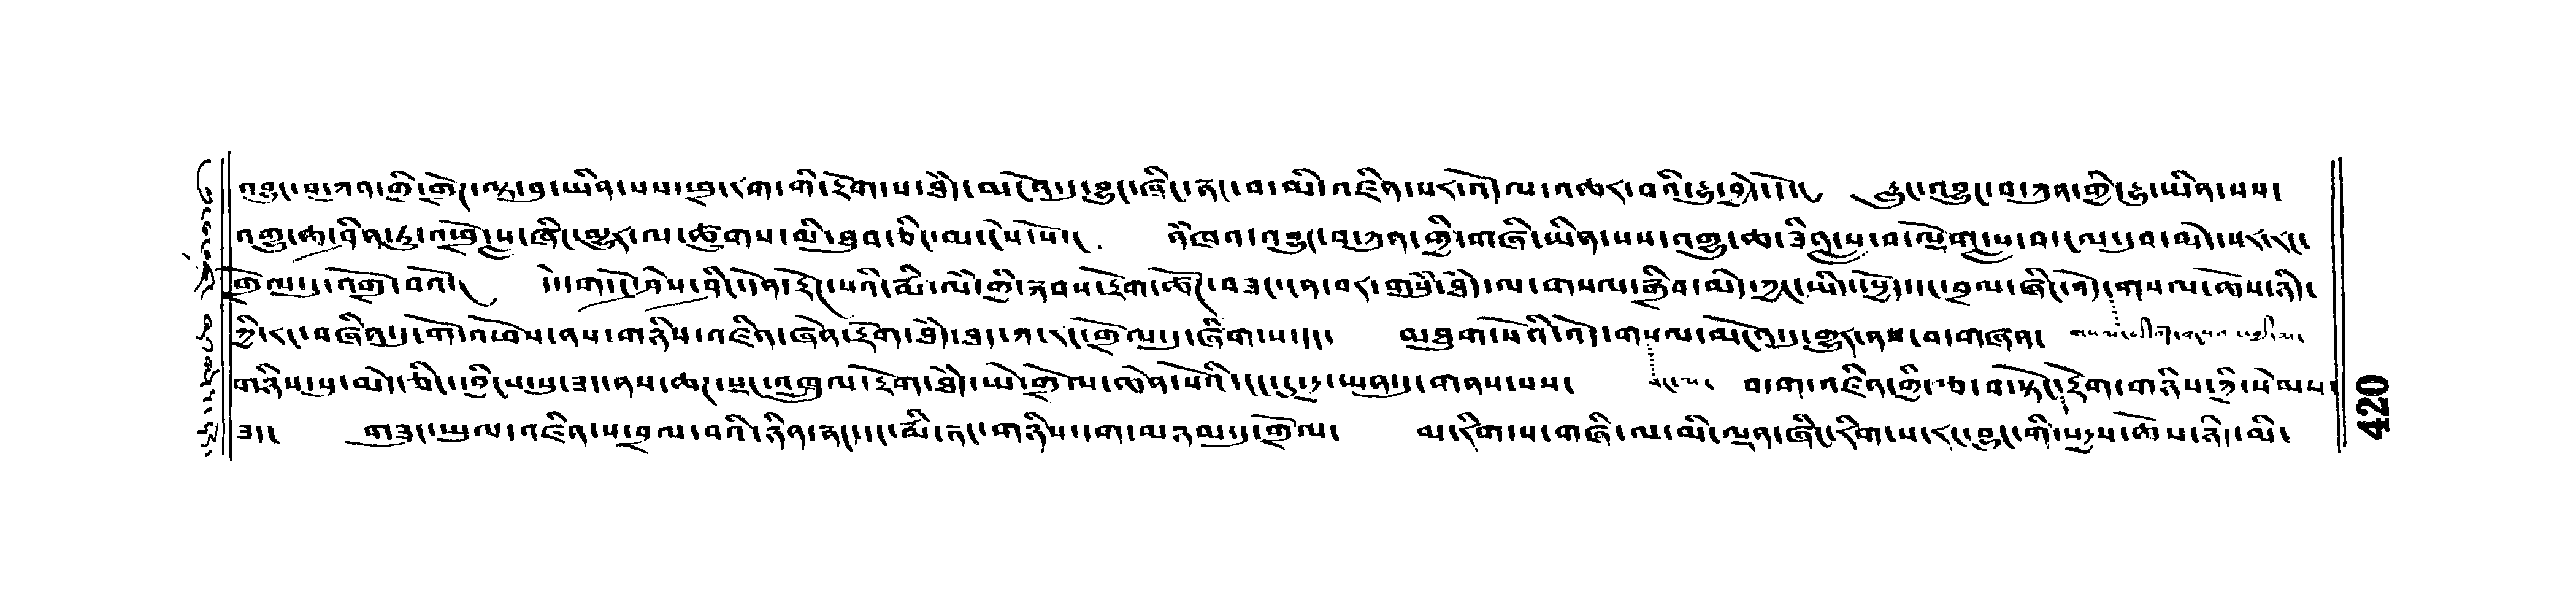འབྱུང་བ་ཀུན་གྱི་གྲོགས་ལྟ་བུ་ཡིན་པས་ཕྲ་རགས་ཀྱི་རྟོག་པ་ཐམས་ཅད་མངོན་དུ་བྱུང་ཞིང་སྣང་བ་མི་འཛིན་པར་འོད་གསལ་འཆར་བའི་རྒྱུ་བྱེད་དོ། རླུང་འབྱུང་བ་ཀུན་གྱི་རྒྱུ་ཡིན་པས་
འགྱུ་ཆ་ཤིན་ཏུ་འཕྲོ་སླ་ཞིང་མྱུར་ལ་ཚུགས་མི་ཐུབ་ཅིང་མ་ངེས་སོ། ནམ་མཁའ་འབྱུང་བ་ཀུན་གྱི་གཞི་ཡིན་པས་འགྱུ་ཆ་ཟིན་སླ་བ་ལྡོག་སླ་བ་ངལ་དུབ་མེད་པར་རང་
གྲོལ་དུ་འགྲོ་བའོ། དེ་དག་ངོ་ཤེས་ཤིང་དོན་རྟོགས་པའི་རྨི་ལམ་གྱི་སྐབས་རྟོག་ཚོགས་བཟང་ངན་བར་གསུམ་ཐམས་ཅད་ལ་གསལ་སྒྲིབ་མེད་ཀྱང་ཡིད་དཔྱོད་དང་བྲལ་ཞིང་འོད་གསལ་ཆོས་ཉིད་
ཀྱི་རང་བཞིན་དུ་གོ་འཕོས་ནས་གཉིས་འཛིན་ཞེན་རྟོག་ཐམས་ཅད་ཐད་ཀ་རང་གྲོལ་དུ་ཞིག་པ་དང་། མཐུག་པོའི་འོད་གསལ་མངོན་དུ་གྱུར་ནས་བདག་གཞན་
གཉིས་སུ་མེད་ཅིང་དབྱིངས་སུ་ཟད་ནས་ཆགས་སྡང་འཁྲུལ་རྟོག་ཐམས་ཅད་ཡེ་གྲོལ་ཆེན་པོའི་ངང་དུ་རྒྱ་ཡན་དུ་གནས་པས། བདག་འཛིན་གྱི་རྩ་བ་སྟོང་རྟོག་གཉིས་ཀྱི་སེམས་
ཟད། གཟུང་ཡུལ་འཛིན་པ་བྲལ་བའི་ཉིན་སྣང་དང་རྨི་སྣང་གཉིས་དག་མཉམ་དུ་གྲོལ། མ་རིག་པ་གཞི་ལ་མི་ལྡན་ཞིང་རིག་པ་རང་བྱུང་གི་སངས་རྒྱས་ཆོས་ཉིད་མི་